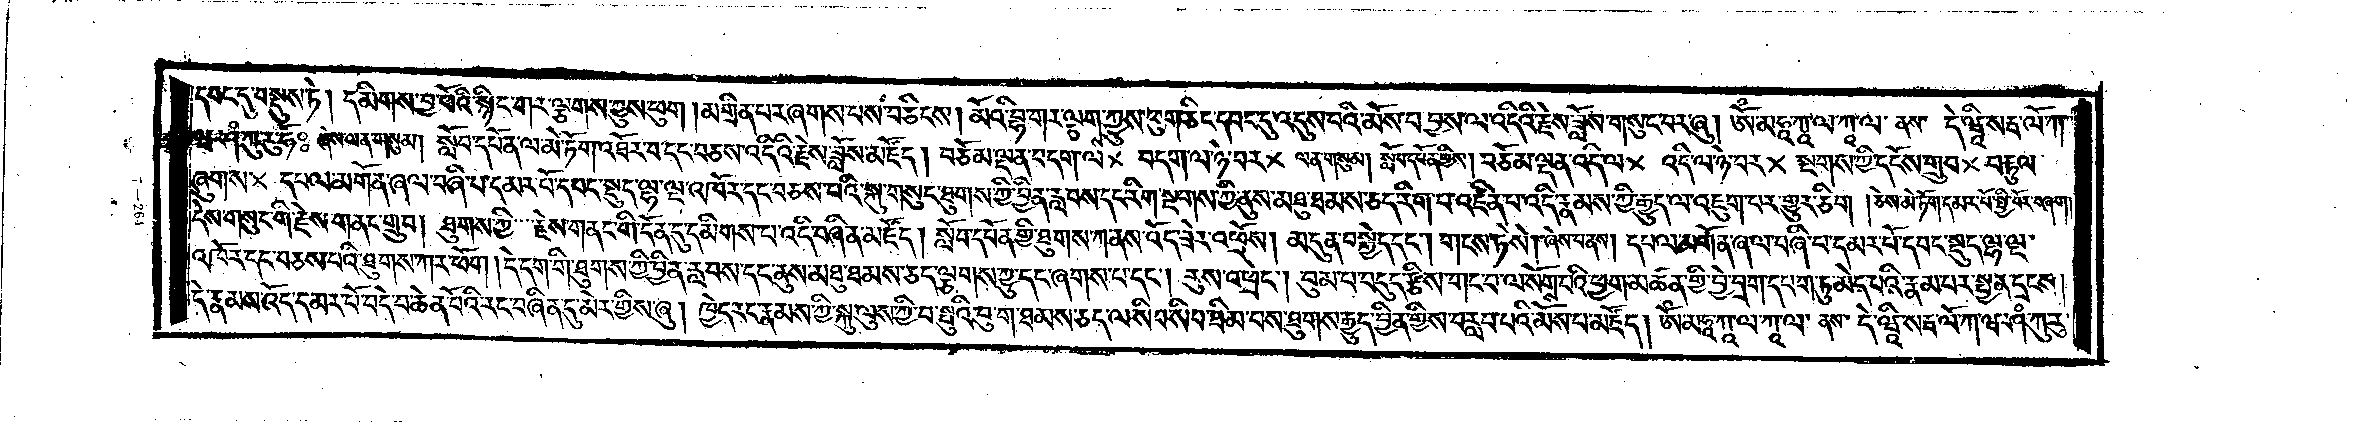དབང་དུ་བསྡུས་ཏེ། དམིགས་བྱ་ཕོའི་སྙིང་གར་ལྕགས་ཀྱུས་ཕུག །མགྲིན་པར་ཞགས་པས་བཅིངས། མོའི་བྱེ་གར་ལྕགས་ཀྱུས་ཕུག་ཅིང་དབང་དུ་འདུས་པའི་མོས་པ་བྱས་ལ་འདིའི་རྗེས་ཟློས་གསུང་བར་ཞུ། ཨོཾ་མྷཱ་ཀཱ་ལ་ཀཱ་ལ་ནས་དེ་སཱི་སརྦ་ལོ་ཀ་
འདྲ་ཤ྾་ཀུ་རུ་ཧོཿ ཞེས་ལན་གསུམ།  སློབ་དཔོན་ལ་མེ་ཏོག་འཐོར་བ་དང་བཅས་འདིའི་རྗེས་ཟློས་མཛོད། བཅོམ་ལྡན་བདག་ལ་྾་བདག་ལ་ཉེ་བར་྾་ལན་གསུམ། སློབ་དཔོན་གྱིས།  བཅོམ་ལྡན་འདི་ལ་྾་འདི་ལ་ཉེ་བར་྾་སྔགས་ཀྱི་དངོས་གྲུབ་྾་བརྟུལ་
ལུགས་྾་དཔལ་མགོན་ཞལ་བཞི་པ་དམར་པོ་དབང་སྡུད་ལྷ་ལྔ་འཁོར་དང་བཅས་པའི་སྐུ་གསུང་ཐུགས་ཀྱི་བྱིན་རླབས་དང་རིག་སྔགས་ཀྱི་ནུས་མཐུ་ཐམས་ཅད་རིག་པ་འཛིན་པ་འདི་རྣམས་ཀྱི་རྒྱུད་ལ་འཇུག་པར་གྱུར་ཅིག །ཅེས་མེ་ཏོག་དམར་པོར་སྤྱི་བོར་བཞག་
པ་གསུང་གི་རྗེས་གནང་གྲུབ། ཐུགས་ཀྱི་རྗེས་གནང་གི་དོན་དུ་དམིགས་པ་འདིར་བཞིན་མཛོད། སློབ་དཔོན་གྱི་ཐུགས་ཀ་ནས་འོད་ཟེར་འཕྲོས། མདུན་བསྐྱེད་དང་། གངས་ཏེ་སེ། ཞེས་པ་ནས།  དཔལ་མགོན་ཞལ་བཞི་པ་དམར་པོ་དབང་སྡུད་ལྷ་ལྔ་
འཁོར་དང་བཅས་པའི་ཐུགས་ཀར་ཕོག། དེ་དག་གི་ཐུགས་ཀྱི་བྱིན་རླབས་དང་ནུས་མཐུ་ཐམས་ཅད་ལྕགས་ཀྱུ་དང་ཞགས་པ་དང་། རུས་འཕྲེང་། བུམ་པ་བདུད་རྩིས་གང་བ་ལ་སོགས་པའི་ཕྱག་མཚན་གྱི་བྱེ་བྲག་དཔག་ཏུ་མེད་པའི་རྣམ་པར་སྤྱན་དྲངས།
རྣམས་འོད་དམར་པོ་བདེ་བ་ཆེན་པོའི་རང་བཞིན་དུ་མེར་གྱིས་ཞུ། ཁྱེད་རང་རྣམས་ཀྱི་སྐུ་ལུས་ཀྱི་བོ་སྤུའི་བུ་ག་ཐམས་ཅད་ལ་སིབ་སིབ་ཐིམ་པས་ཐུགས་རྒྱུད་བྱིན་གྱིས་བརླབ་པའི་མོས་པ་མཛོད། ཨོཾ་མྷཱ་ཀཱ་ལ་ཀཱ་ལ་ནས་དེ་སཱི་སརྦ་ལོ་ཀ་ཝ་ཤ྾་ཀུ་རུ་